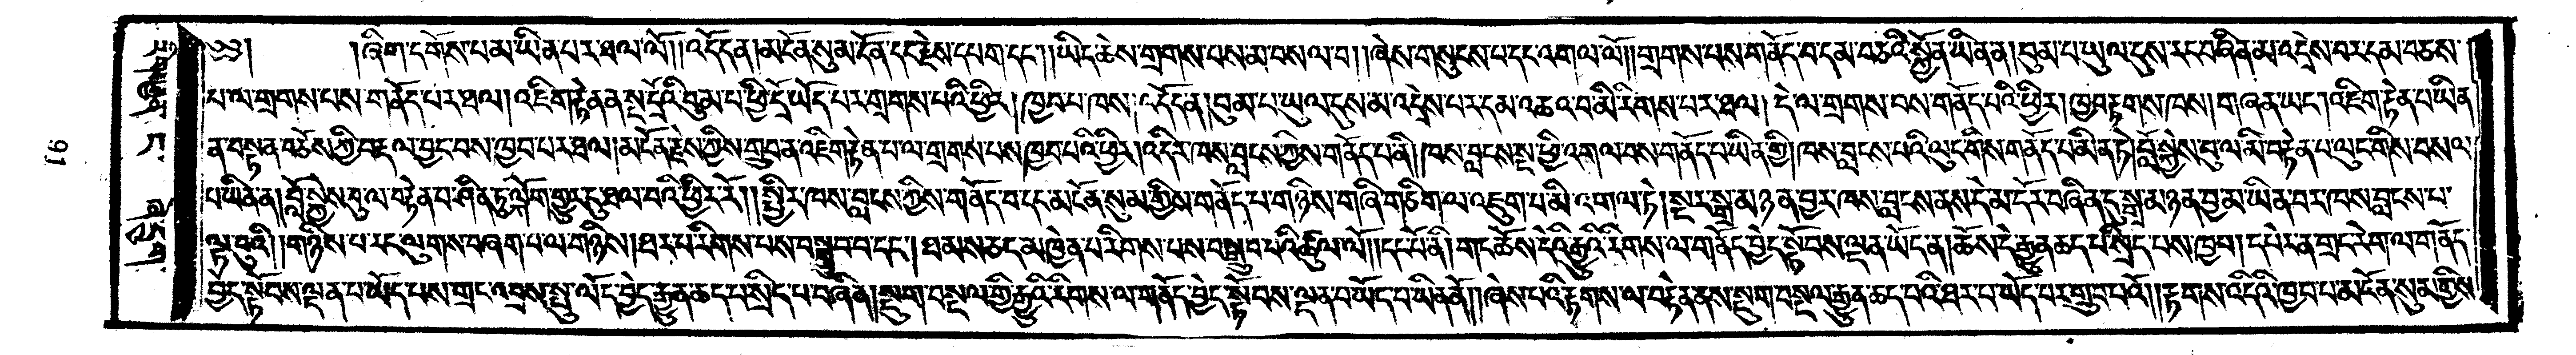༄༅། །ཞིག་དགོས་པ་མ་ཡིན་པར་ཐལ་ལོ། །འདོད་ན། མངོན་སུམ་དོན་དང་རྗེས་དཔག་དང་། །ཡིད་ཆེས་གྲགས་པས་མ་བསལ་བ། ?་།ཞེས་གསུངས་པ་དང་འགལ་ལོ། །གྲགས་པས་གནོད་པ་དམ་བཅའི་སྐྱོན་ཡིན་ན། བུམ་པ་ཡུལ་དུས་རང་བཞིན་མ་འདྲེས་པར་དམ་བཅས་
པ་ལ་གྲགས་པས་གནོད་པར་ཐལ། འཇིག་རྟེན་ན་སྔ་དྲོའི་བུམ་པ་ཕྱི་དྲོ་ཡོད་པར་གྲགས་པའི་ཕྱིར། ཁྱབ་པ་ཁས། འདོད་ན། བུམ་པ་ཡུལ་དུས་མ་འདྲེས་པར་དམ་འཆའ་བ་མི་རིགས་པར་ཐལ། དེ་ལ་གྲགས་པས་གནོད་པའི་ཕྱིར། ཁྱབ་རྟགས་ཁས། གཞན་ཡང་། འཇིག་རྟེན་པ་ཡིན་
ན་བསྟན་བཅོས་ཀྱི་བརྡ་ལ་བྱང་?་བས་ཁྱབ་པར་ཐལ། མངོན་རྗེས་ཀྱིས་གྲུབ་ན་འཇིག་རྟེན་པ་ལ་གྲགས་པས་ཁྱབ་པའི་ཕྱིར། འདིར་ཁས་བླངས་ཀྱིས་གནོད་པ་ནི། ཁས་བླངས་སྔ་ཕྱི་འགལ་བས་གནོད་པ་ཡིན་གྱི། ཁས་བླངས་པའི་ལུང་གིས་གནོད་པ་མིན་ཏེ། བློ་སྐྱེས་བུ་ལ་མི་བརྟེན་པ་ལུང་གིས་བསལ་
བ་ཡིན་ན། བློ་སྐྱེས་བུ་ལ་བརྟེན་པ་ཤིན་ཏུ་ལྐོག་གྱུར་དུ་ཐལ་བའི་ཕྱིར་རོ། །སྤྱིར་ཁས་བླངས་ཀྱིས་གནོད་པ་དང་མངོན་སུམ་གྱིས་གནོད་པ་གཉིས་གཞི་གཅིག་ལ་འཇུག་པ་མི་འགལ་ཏེ། སྔར་སྒྲ་མཉན་བྱར་ཁས་བླངས་ནས་དེ་མ་དོར་བཞིན་དུ་སྒྲ་མཉན་བྱ་མ་ཡིན་པར་ཁས་བླངས་པ་
ལྟ་བུའོ། །གཉིས་པ་རང་ལུགས་བཞག་པ་ལ་གཉིས། ཐར་པ་རིགས་པས་བསྒྲུབ་པ་དང་། ཐམས་ཅད་མཁྱེན་པ་རིགས་པས་བསྒྲུབ་པའི་ཚུལ་ལོ། །དང་པོ་ནི། གང་ཆོས་དེའི་རྒྱུའི་རིགས་ལ་གནོད་བྱེད་སྟོབས་ལྡན་ཡོད་ན། ཆོས་དེ་རྒྱུན་ཆད་པ་སྲིད་པས་ཁྱབ། དཔེར་ན་གྲང་རེག་ལ་གནོད་
བྱེད་སྟོབས་ལྡན་པ་ཡོད་པས་གྲང་འབྲས་སྤུ་ལོང་བྱེད་རྒྱུན་ཆད་པ་སྲིད་པ་བཞིན། སྡུག་བསྔལ་གྱི་རྒྱུའི་རིགས་ལ་གནོད་བྱེད་སྟོབས་ལྡན་པ་ཡོད་པ་ཡིན་ནོ། །ཞེས་པའི་རྟགས་ལ་བརྟེན་ནས་སྡུག་བསྔལ་རྒྱུན་ཆད་པའི་ཐར་པ་ཡོད་པར་གྲུབ་པའོ། །རྟགས་འདིའི་ཁྱབ་པ་མངོན་སུམ་གྱིས་